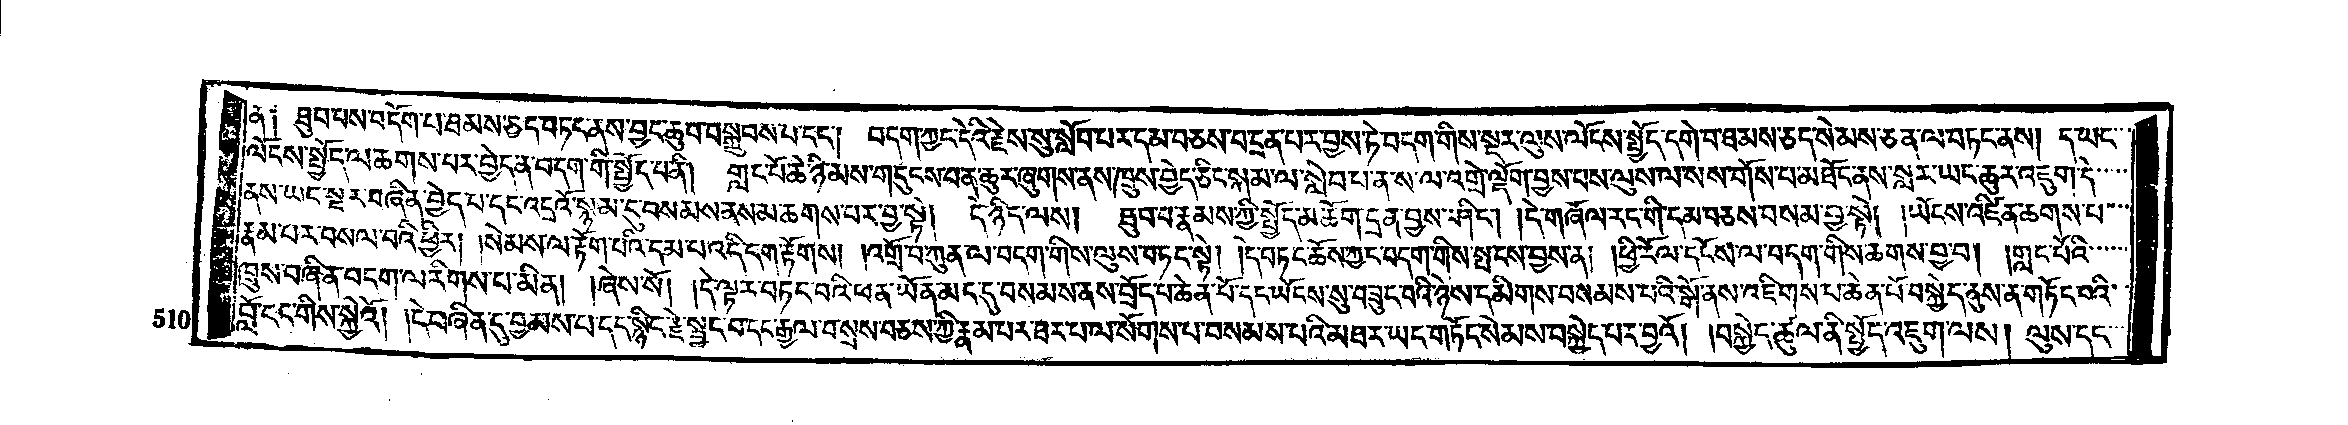ན༑ ཐུབ་པས་བདོག་པ་ཐམས་ཅད་བཏང་ནས་བྱང་ཆུབ་བསྒྲུབས་པ་དང་། བདག་ཀྱང་དེའི་རྗེས་སུ་སློབ་པར་དམ་བཅས་པ་དྲན་པར་བྱས་ཏེ་བདག་གིས་སྔར་ལུས་ལོངས་སྤྱོད་དགེ་བ་ཐམས་ཅད་སེམས་ཅན་ལ་བཏང་ནས། དེ་ཡང་
ལོངས་སྤྱོད་ལ་ཆགས་པར་བྱེད་ན་བདག་གི་སྤྱོད་པ་ནི། གླང་པོ་ཆེ་ཉི་མས་གདུངས་པ་ན་ཆུར་ཞུགས་ནས་ཁྲུས་བྱེད་ཅིང་སྐམ་ལ་སླེབ་པ་ན་ས་ལ་འགྲེ་ལྡོག་བྱས་པས་ལུས་ལ་སས་གོས་པ་མཐོང་ནས་སླར་ཡང་ཆུར་འཇུག་དེ་
ནས་ཡང་སྔར་བཞིན་བྱེད་པ་དང་འདྲའོ་སྙམ་དུ་བསམས་ནས་མ་ཆགས་པར་བྱ་སྟེ། དེ་ཉིད་ལས། ཐུབ་པ་རྣམས་ཀྱི་སྤྱོད་མཆོག་དྲན་བྱས་ཤིང་། །དེ་གཞོལ་རང་གི་དམ་བཅས་བསམ་བྱ་སྟེ། །ཡོངས་འཛིན་ཆགས་པ་
རྣམ་པར་བསལ་བའི་ཕྱིར། །སེམས་ལ་རྟོག་པའི་དམ་པ་འདི་དག་རྟོགས། །འགྲོ་བ་ཀུན་ལ་བདག་གིས་ལུས་བཏང་སྟེ། །དེ་བཏང་ཆོས་ཀྱང་བདག་གིས་སྤངས་བྱས་ན། །ཕྱི་རོལ་དངོས་ལ་བདག་གིས་ཆགས་བྱ་བ། །གླང་པོའི་
ཁྲུས་བཞིན་བདག་ལ་རིགས་པ་མིན། །ཞེས་སོ། །དེ་ལྟར་བཏང་བའི་ཕན་ཡོན་མང་དུ་བསམ་ནས་བྲོད་པ་ཆེན་པོ་དང་ཡོངས་སུ་བཟུང་བའི་ཉེས་དམིགས་བསམས་པའི་སྒོ་ནས་འཇིགས་པ་ཆེན་པོ་བསྐྱེད་ནུས་ན་གཏོང་བའི་
བློ་ངང་གིས་སྐྱེའོ། །དེ་བཞིན་དུ་བྱམས་པ་དང་སྙིང་རྗེ་སྦྱང་བ་དང་རྒྱལ་བ་སྲས་བཅས་ཀྱི་རྣམ་པར་ཐར་པ་ལ་སོགས་པ་བསམས་པའི་མཐར་ཡང་གཏོང་སེམས་བསྐྱེད་པར་བྱའོ། །བསྐྱེད་ཚུལ་ནི་སྤྱོད་འཇུག་ལས། ལུས་དང་